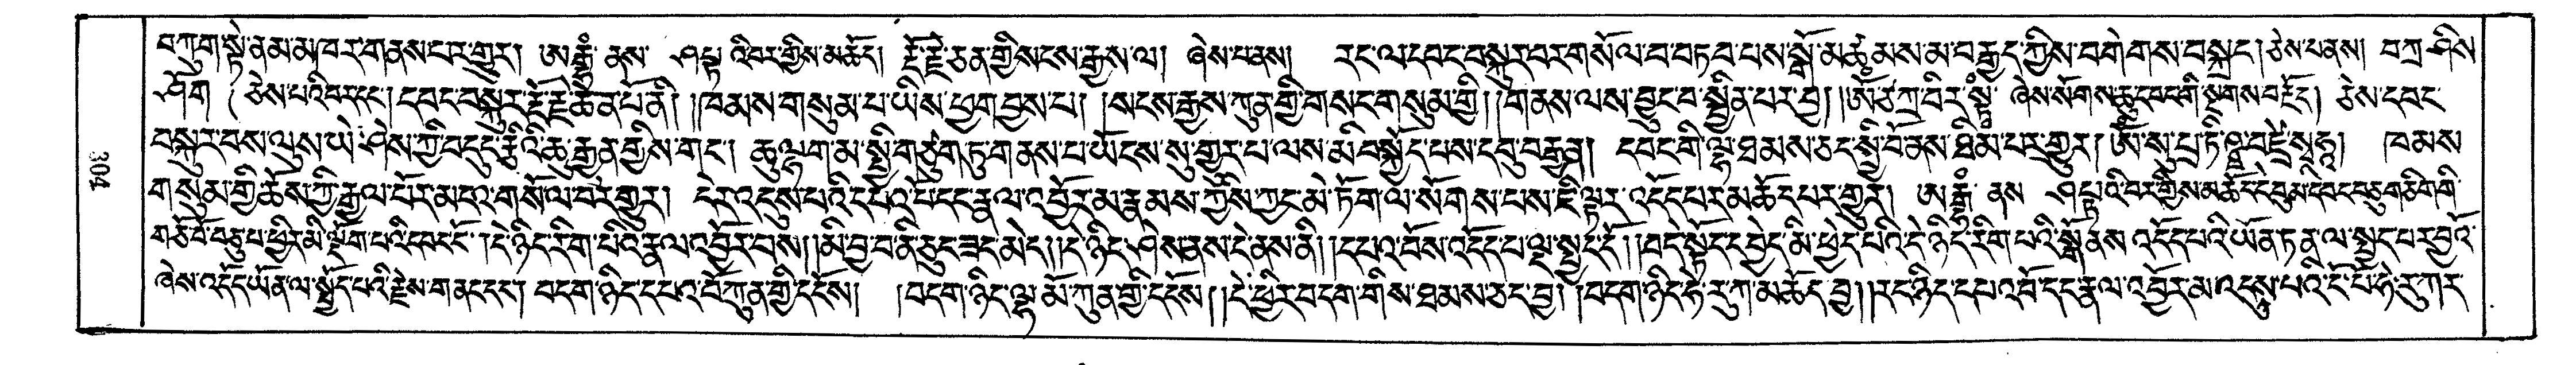བཀུག་སྟེ་ནམ་མཁར་གནས་པར་གྱུར། ཨརྒྷཾ་ནས་ཤཔྟའི་བར་གྱིས་མཆོད། རྡོ་རྗེ་ཅན་གྱི་སངས་རྒྱས་ལ། ཞེས་པ་ནས། རང་ལ་དབང་བསྐུར་བར་གསོལ་བ་བཏབ་པས་སྒོ་མཚམས་མ་བརྒྱད་ཀྱིས་བགེགས་བསྐྲད། ཅེས་པ་ནས། བཀྲ་ཤིས་
ཤོག༑ ཅེས་པའི་བར་དང་། དབང་བསྐུར་རྡོ་རྗེ་ཆེན་པོ་ནི། །ཁམས་གསུམ་པ་ཡིས་ཕྱག་བྱས་པ། །སངས་རྒྱས་ཀུན་གྱི་གསང་གསུམ་གྱི། གནས་ལས་བྱུང་བ་སྦྱིན་པར་བྱ། །ཨོཾ་ཅཀྲ་བི་ར་སྟཾ་ཞེས་སོགས་ཆུ་དབང་གི་སྔགས་བརྗོད། ཅེས་དབང་
བསྐུར་བས་ལུས་ཡེ་ཤེས་ཀྱི་བདུད་རྩིའི་ཆུ་རྒྱུན་གྱིས་གང་། ཆུ་ལྷག་མ་སྤྱི་གཙུག་ཏུ་གནས་པ་ཡོངས་སུ་གྱུར་པ་ལས་མི་བསྐྱོད་པས་དབུ་བརྒྱན། དབང་གི་ལྷ་ཐམས་ཅད་སྤྱི་བོར་ནས་ཐིམ་པར་གྱུར། ཨོཾ་སུ་པྲ་ཏིཥྵ་བཛྲེ་སྭཱ་ཧཱ། ཁམས་
གསུམ་གྱི་ཆོས་ཀྱི་རྒྱལ་པོར་མངའ་གསོལ་བར་གྱུར། དེར་འདུས་པའི་དཔའ་བ་དང་རྣལ་འབྱོར་མ་རྣམས་ཀྱིས་ཀྱང་མེ་ཏོག་ལ་སོགས་པས་ཇི་ལྟར་འདོད་པར་མཆོད་པར་གྱུར། ཨརྒཧཾ་ནས་ཤཔཏའི་བར་གྱིས་མཆོད་དེ་བུམ་དབང་བཅུ་གཅིག་གི་
གཙོ་བོ་བཅུ་པ་ཕྱིར་མི་ལྡོག་པའི་དབང་ངོ། །དེ་ཉིད་རིག་པའི་རྣལ་འབྱོར་པས། །མི་བྱ་བ་ནི་ཅུང་ཟད་མེད། །དེ་ཉིད་ཤེས་ནས་དེ་ནས་ནི། །དཔའ་བོས་འདོད་པ་ལྔ་སྤྱད་དོ། །བདེ་སྟོང་དབྱེར་མི་ཕྱེད་པའི་དེ་ཉིད་རིག་པའི་སྒོ་ནས་འདོད་པའི་ཡོན་ཏན་ལ་སྤྱད་པར་བྱའོ།
ཞེས་འདོད་ཡོན་ལ་སྤྱོད་པའི་རྗེས་གནང་དང་། བདག་ཉིད་དཔའ་བོ་ཀུན་གྱི་དངོས། །བདག་ཉིད་ལྷ་མོ་ཀུན་གྱི་དངོས། །དེ་ཕྱིར་བདག་གིས་ཐམས་ཅད་བྱ། །བདག་གཉིས་ཉིད་ཧེ་རུ་ཀ་མཆོད་བྱ། །རང་ཉིད་དཔའ་བོ་དང་རྣལ་འབྱོར་མ་འདུས་པའི་ངོ་བོ་ཧེ་རུ་ཀར་